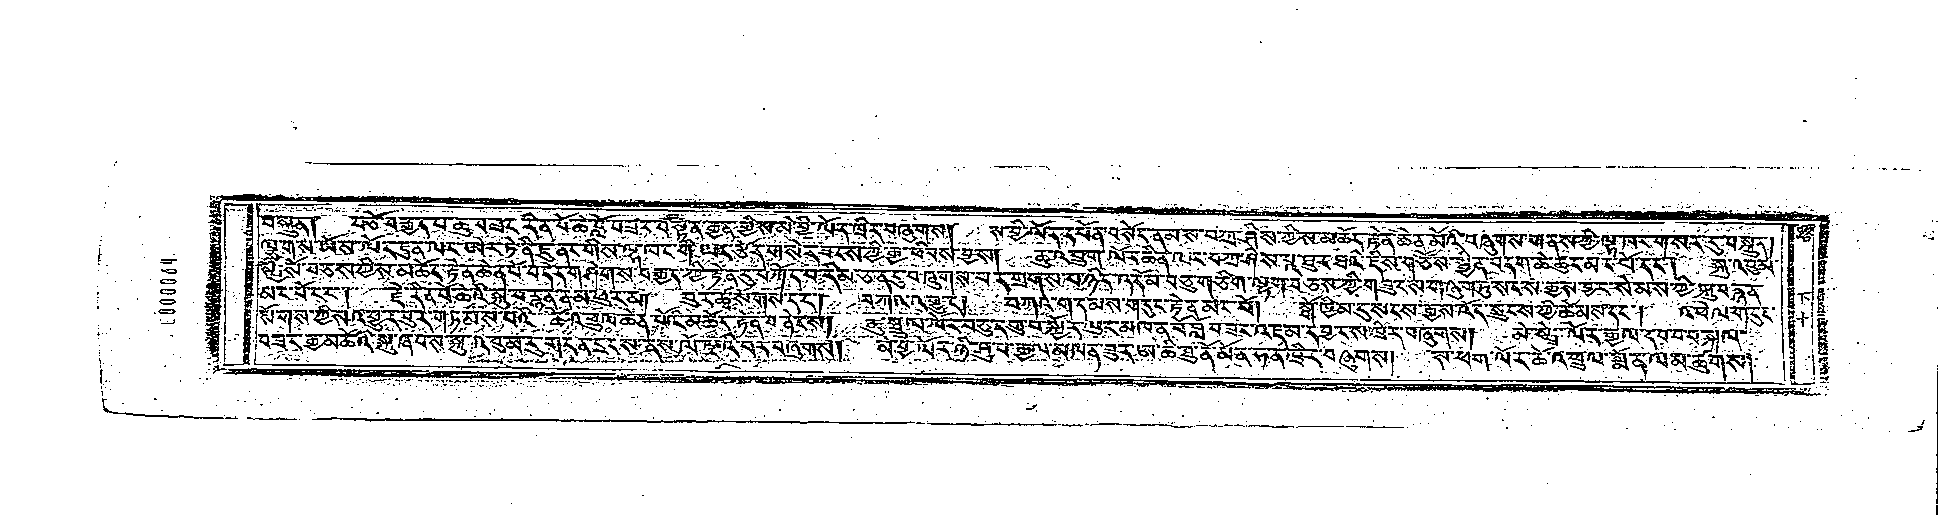བསྐྲུན༑ བཅོ་བརྒྱད་པ་ཆུ་བཟང་རིན་པོ་བློ་བཟང་བསྟན་རྒྱན་གྱིས་མི་ཕྱི་ལོར་ཁྲིར་བཞུགས། ས་བྱི་ལོར་དཔོན་བསོད་ནམས་བཀྲ་ཤིས་ཀྱིས་མཆོད་རྟེན་ཆེན་མོའི་བཞུགས་གནས་ཀྱི་ལྷ་ཁང་གསར་དུ་བསྐྲུན།
ལྕགས་ཡོས་ལོར་ཇུན་ལང་ཨེར་ཏེ་ནི་ཇུ་ནང་གིས་ལྷ་ཁང་གི་ཡང་རྩོར་གསེར་ཟངས་ཀྱི་རྒྱ་ཕོབས་བྱས། ཆུ་འབྲུག་ལོར་ཆིན་ལང་བཀྲ་ཤིས་པཱ་ཐུར་ཐ་འཇིས་གཙོས་སྦྱིན་བདག་ཆེ་ཆུང་མང་པོ་དང་། སྐུ་འབུམ་
སྤྱི་སོ་བཅས་ཀྱིས་མཆོད་རྟེན་ཆེན་པོ་བདེར་གཤེགས་བརྒྱད་ཀྱི་རྟེན་དུ་བཀོད་བ་རིམ་ཅན་དུ་བཞུགས་པར་གྲགས་པ་ཉིད་འདོམ་བཅུ་གཅིག་ལྷག་བཅས་ཀྱི་གཟུངས་གཞུག་ཏུ་སངས་རྒྱས་བྱང་སེམས་ཀྱི་སྐུ་བརྙན་
མང་པོ་དང་། རྗེ་རིན་པོ་ཆེའི་སྐུ་བརྙན་ནས་ཕུར་མ། བུར་ཚུ་སོགས་དང་། བཀའ་འབྱུང་། བཀའ་གདམས་གདུང་རྟེན་མང་པོ། སྒོ་ཁྱིམ་དུ་སངས་རྒྱས་འོད་སྲུངས་ཀྱི་ཆོམས་དང་། འཕེལ་གདུང་
སོགས་ཀྱིས་འཕྱུར་པུར་གཏམས་བའི་ཆོ་འཕྲུལ་ཆེན་པོའི་མཆོད་རྟེན་བཞེངས། ཆུ་སྦྲུལ་ལོར་བཅུ་དགུ་བ་སྐྱོར་ལུང་མཁན་བོ་བློ་བཟང་འཇམ་དབྱངས་ཁྲིར་བཞུགས། མེ་སྤྲེ་ལོར་རྒྱལ་དབང་བསྐལ་
བཟང་རྒྱ་མཚོའི་སྐུ་ཞབས་སུ་འབུམ་དུ་གདན་དྲངས་ནས་ལོ་ལྔའི་བར་བཞུགས། མེ་བྱ་ལོར་ཉི་ཤུ་པ་རྒྱལ་མཁན་ཟུར་ཨ་ཆི་ཐུ་ནོ་མོན་ཧན་ཁྲིར་བཞུགས། ས་ཕག་ལོར་ཆོ་འཕྲུལ་སྨོན་ལམ་ཚུགས།